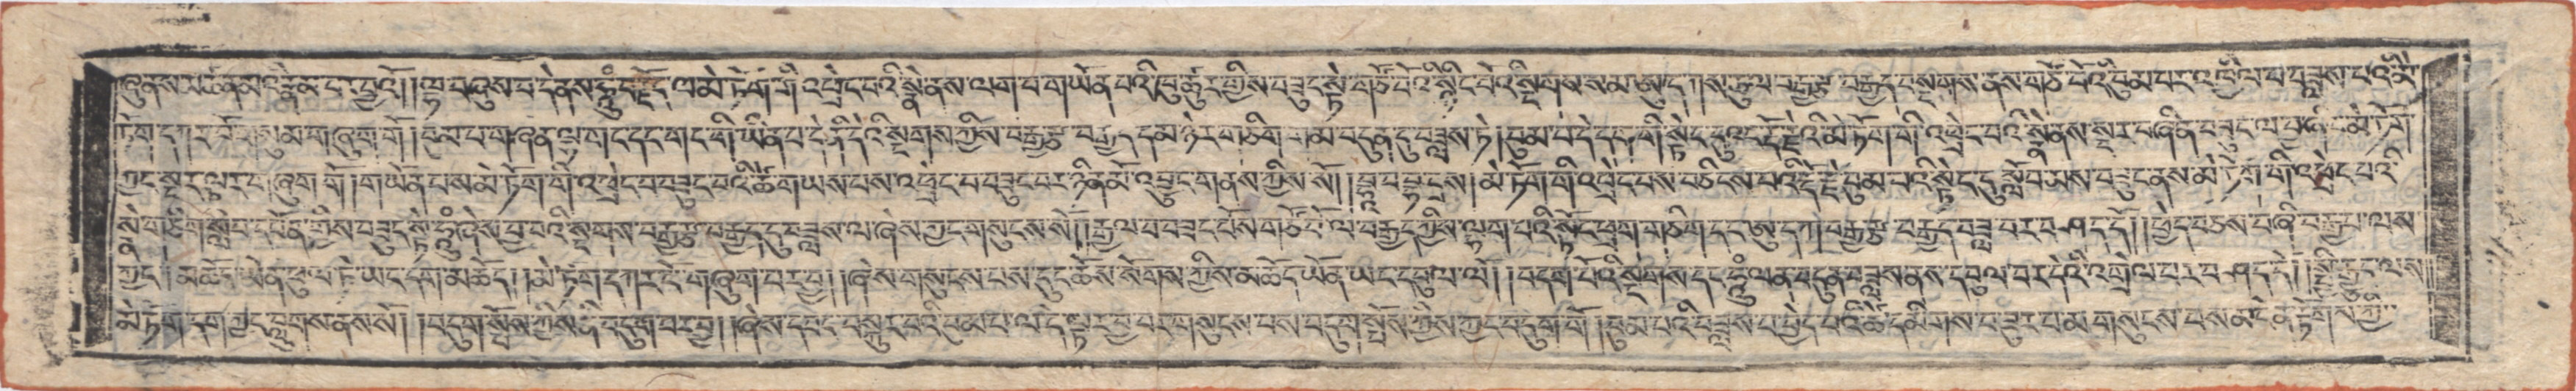ཞུ་ནས་མཚན་མའི་རྣམ་བར་བྱའོ། །ལྷ་བཞུས་བ་དེ་ནས་ཧཱུཾ་བརྗོད་ལ་མེ་ཏོག་གི་འཕྲེང་བའི་སྣེ་ནས་ལག་པ་གཡོན་པའི་ཁུ་ཚུར་གྱིས་བཟུང་སྟེ་གཙོ་བོའི་སྙིང་པོའི་སྔགས་སམ་ཨུ་ད་ཀས་ཆུ་ལ་བརྒྱ་རྩ་བརྒྱད་བསྔགས་ནས་གཙོ་བོའི་བུམ་པར་འཁྱིལ་བ་བཟླས་པའི་མེ་
ཏོག་དཀར་པོ་གསུམ་གཞུག་གོ །བུམ་པ་གཞན་ལྷ་གང་དང་གང་གི་ཡིན་པ་དེ་ནི་དེའི་སྔགས་ཀྱིས་བརྒྱ་རྩ་བརྒྱད་དམ་ཉེར་གཅིག་གམ་བདུན་དུ་བཟླས་ཏེ། བུམ་པ་དེ་དག་གི་སྟེང་དུའང་རྡོ་རྗེའི་མེ་ཏོག་གི་འཕྲེང་བའི་སྣེ་ནས་སྔར་བཞིན་བཟུང་ལ་བྱ་ཞིང་མེ་ཏོག་
ཀྱང་སྔར་ལྟར་གཞུག་གོ །གཡོན་པས་མེ་ཏོག་གི་འཕྲེང་བ་བཟུང་བའི་ཚེ་གཡས་པས་འཕྲེང་བ་བཟུང་བར་ཉིན་མོ་འབྱུང་གནས་ཀྱིས་སོ། །བྷཱ་བ་བྷ་དྲས། མེ་ཏོག་གི་འཕྲེང་བས་བཅིངས་པའི་རྡོ་རྗེ་བུམ་པའི་སྟེང་དུ་སློབ་མས་བཟུང་ནས་མེ་ཏོག་གི་འཕྲེང་བའི་
སྣེ་གཅིག་སློབ་དཔོན་གྱིས་བཟུང་སྟེ་ཧཱུཾ་ཞེས་བྱ་བའི་སྔགས་བརྒྱ་རྩ་བརྒྱད་དུ་བཟླས་ལ་ཞེས་ཀྱང་གསུངས་སོ། །རྒྱལ་བ་བཟང་པོས་གཙོ་བོ་ལ་བརྒྱད་ཀྱིས་ལྷག་པའི་སྟོང་ཕྲག་གཅིག་དང་ཨུ་ད་ཀ་བརྒྱ་རྩ་བརྒྱད་བཟླ་བར་བཤད་དོ། །ཕྱེད་བཅས་བཞི་བརྒྱ་པ་ལས་
ཀྱང་། མཆོད་ཡོན་ཕུལ་ཏེ་ཡང་དག་མཆོད། །མེ་ཏོག་དཀར་པོ་གཞུག་པར་བྱ། །ཞེས་གསུངས་པས་དུང་ཆོས་སོགས་ཀྱིས་མཆོད་ཡོན་ཡང་དབུལ་ལོ། །བདག་པོའི་སྔགས་དང་ཧཱུཾ་ལན་བདུན་བཟླས་ནས་དབུལ་བར་དེའི་འགྲེལ་པར་བཤད་དོ། །སྤྱི་རྒྱུད་ལས་
མེ་ཏོག་དག་ཀྱང་བླུགས་ནས་སོ། །བདུག་སྤོས་ཀྱིས་ནི་བདུག་པར་བྱ། །ཞེས་དབང་བསྐུར་བའི་བུམ་པ་ལ་དེ་ལྟར་བྱ་བར་གསུངས་པས་བདུག་སྤོས་ཀྱིས་ཀྱང་བདུག་གོ །བུམ་པའི་བཟླས་པ་བྱེད་པའི་ཚེ་དམིགས་བ་ཟུར་པ་མ་གསུངས་པས་མངོན་རྟོགས་ཀྱི་